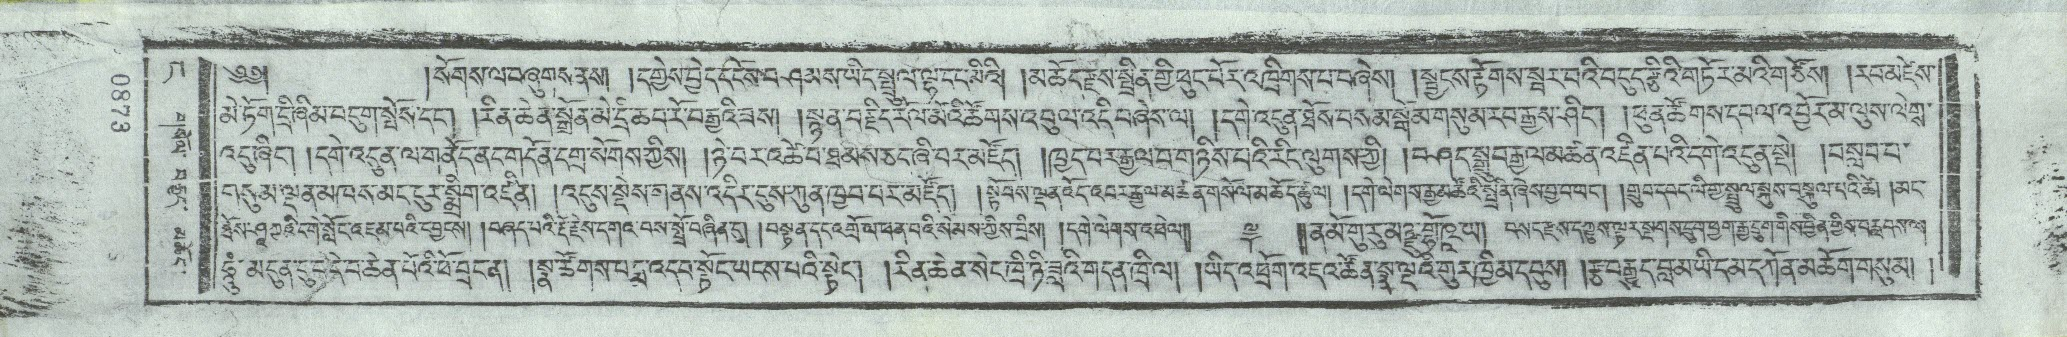༄༅། །སོགས་ལ་བཞུགས་ནས། །དགྱེས་བྱེད་དངོས་བཤམས་ཡིད་སྤྲུལ་ལྷ་དང་མིའི། །མཆོད་རྫས་སྤྲིན་གྱི་ཕུང་པོར་འཁྲིགས་པ་བཞེས། །སྦྱངས་རྟོགས་སྒར་བའི་བདུད་རྩིའི་གཏོར་མའི་གཙོས། །རབ་མཛེས་
མེ་ཏོག་དྲི་ཞིམ་བདུག་སྤོས་དང་། །རིན་ཆེན་སྒྲོན་མེ་དྲི་ཆབ་རོ་བརྒྱའི་ཟས། །སྙན་བརྗིད་རོལ་མོའི་ཚོགས་འབུལ་འདི་བཞེས་ལ། །དགེ་འདུན་ཐོས་བསམ་སྒོམ་གསུམ་རབ་རྒྱས་ཤིང་། །ཕུན་ཚོགས་དཔལ་འབྱོར་མ་ལུས་ལེགས་
འདུ་ཞིང་། །དགེ་འདུན་ལ་གནོད་ནང་གདོན་དགྲ་སོགས་ཀྱིས། །ཉེ་བར་འཚེ་བ་ཐམས་ཅད་ཞི་བར་མཛོད། །ཁྱད་པར་རྒྱལ་བ་གཉིས་པའི་རིང་ལུགས་ཀྱི། །བཤད་སྒྲུབ་རྒྱལ་མཚན་འཛིན་པའི་དགེ་འདུན་སྡེ། །བསླབ་པ་
གསུམ་ལྡན་མཁས་མང་ངུར་སྨྲགཾ་འཛིན། །འདུས་སྡེས་གནས་འདིར་དུས་ཀུན་ཁྱབ་པར་མཛོད། །སྟོབས་ལྡན་འོད་འབང་རྒྱལ་མཚན་གསོལ་མཆོད་ཚུལ། །དགེ་ལེགས་རྒྱ་མཚོའི་སྤྲོན་ཞེས་བྱ་བ་ཡང་། །གྲུབ་དབང་ལི་གྱ་སྤྲུལ་སྐུས་བསྐུལ་པའི་ཚེ། །མང་
ཐོས་ཤཱཀྱའི་དགེ་སློང་འཇམ་པའི་དབྱངས། །བཞད་པའི་རྡོ་རྗེས་དགའ་བས་སྤྲོ་བཞིན་དུ། །བསྟན་དང་འགྲོ་ལ་ཕན་པའི་སེམས་ཀྱིས་བྲིས། །དགེ་ལེགས་འཕེལ།། ༈ །།ན་མོ་གུ་རུ་མ་ཉྫུཿ གྷོ་ཥཱ་ཡ། བསང་རྫས་དཀྱུས་ལྟར་སྡགས་དྲུག་ཕྱག་རྒྱ་དྲུག་གིས་བྱིན་གྱིས་བརླབས་ལ།
ཧཱུཾ་མདུན་དུ་བདེ་བ་ཆེན་པོའི་ཕོ་བྲང་ན། །སྣ་ཚོགས་པདམ་འདབ་སྟོང་ཡངས་པའི་སྟེང་། །རིན་ཆེན་སེང་ཁྲི་ཉི་ཟླའི་གདན་ཁྲི་ལ། །ཡིད་འཕྲོག་འཇའ་ཚོན་སྣ་ལྔའི་གུར་ཁྱིམ་དབུས། །རྩ་བརྒྱུད་བླ་མ་ཡི་དམ་དཀོན་མཆོག་གསུམ། །